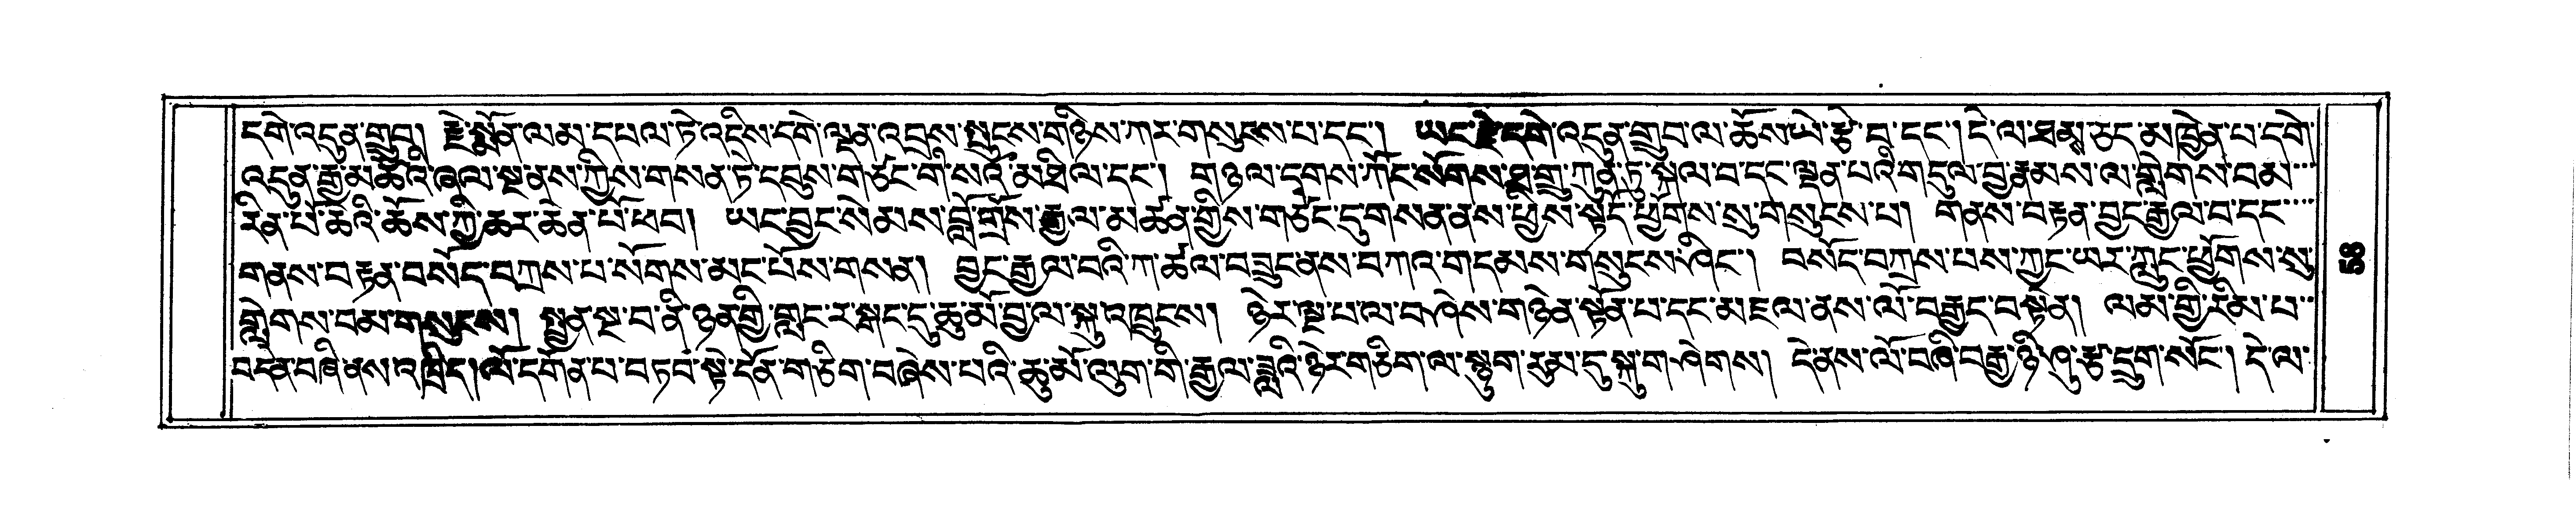དགེ་འདུན་གྲུབ། རྗེ་སྨོན་ལམ་དཔལ་ཏེ་འདིས་དགེ་ལྡན་འབྲས་སྤུངས་གཉིས་ཀར་གསུངས་པ་དང་། ཡང་རྗེ་དགེ་འདུན་གྲུབ་ལ་ཆོས་ཡེ་རྩེ་བ་དང་། དེ་ལ་ཐམས་ཅད་མཁྱེན་པ་དགེ་
འདུན་རྒྱ་མཚོའི་ཞལ་སྔ་ནས་ཀྱིས་གསན་ཏེ་དབུས་གཙང་གི་སའི་མཐིལ་དང་། གཉལ་དྭགས་ཀོང་སོགས་ཐ་གྲུ་ཀུན་ཏུ་སྐལ་བ་དང་ལྡན་པའི་གདུལ་བྱ་རྣམས་ལ་གླེགས་བམ་
རིན་པོ་ཆེའི་ཆོས་ཀྱི་ཆར་ཆེན་པོ་ཕབ། ཡང་བྱང་སེམས་བློ་གྲོས་རྒྱལ་མཚན་གྱིས་གཙང་དུ་གསན་ནས་ཕྱིས་སྟོད་ཕྱོགས་སུ་གསུངས་པ། གནས་བརྟན་བྱང་རྒྱལ་བ་དང་
གནས་བརྟན་བསོད་བཀྲས་པ་སོགས་མང་པོས་གསན། བྱང་རྒྱལ་བའི་ཀ་ཚལ་བཟུང་ནས་བཀའ་གདམས་གསུངས་ཤིང་། བསོད་བཀྲས་པས་ཀྱང་ཡར་ཀླུང་ཕྱོགས་སུ་
གླེགས་བམ་གསུངས། སྤྱན་སྔ་བ་ནི་ཉན་གྱི་གླང་ར་སྒང་དུ་ཆུ་མོ་བྱ་ལ་སྐུ་འཁྲུངས། ཉེར་ལྔ་པ་ལ་བཤེས་གཉེན་སྟོན་པ་དང་མཇལ་ནས་ལོ་བརྒྱད་བསྟེན། ལམ་གྱི་རིམ་པ་
བདེན་བཞི་ནས་འཁྲིད། ལོ་དགོན་པ་བཏབ་སྟེ་དོན་གཅིག་བཞེས་པའི་ཆུ་མོ་ལུག་གི་རྒྱལ་ཟླའི་ཉེར་གཅིག་ལ་སྙུག་རུམ་དུ་སྐུ་གཤེགས། དེ་ནས་ལོ་བཞི་བརྒྱ་ཉི་ཤུ་རྩ་དྲུག་སོང་། དེ་ལ་